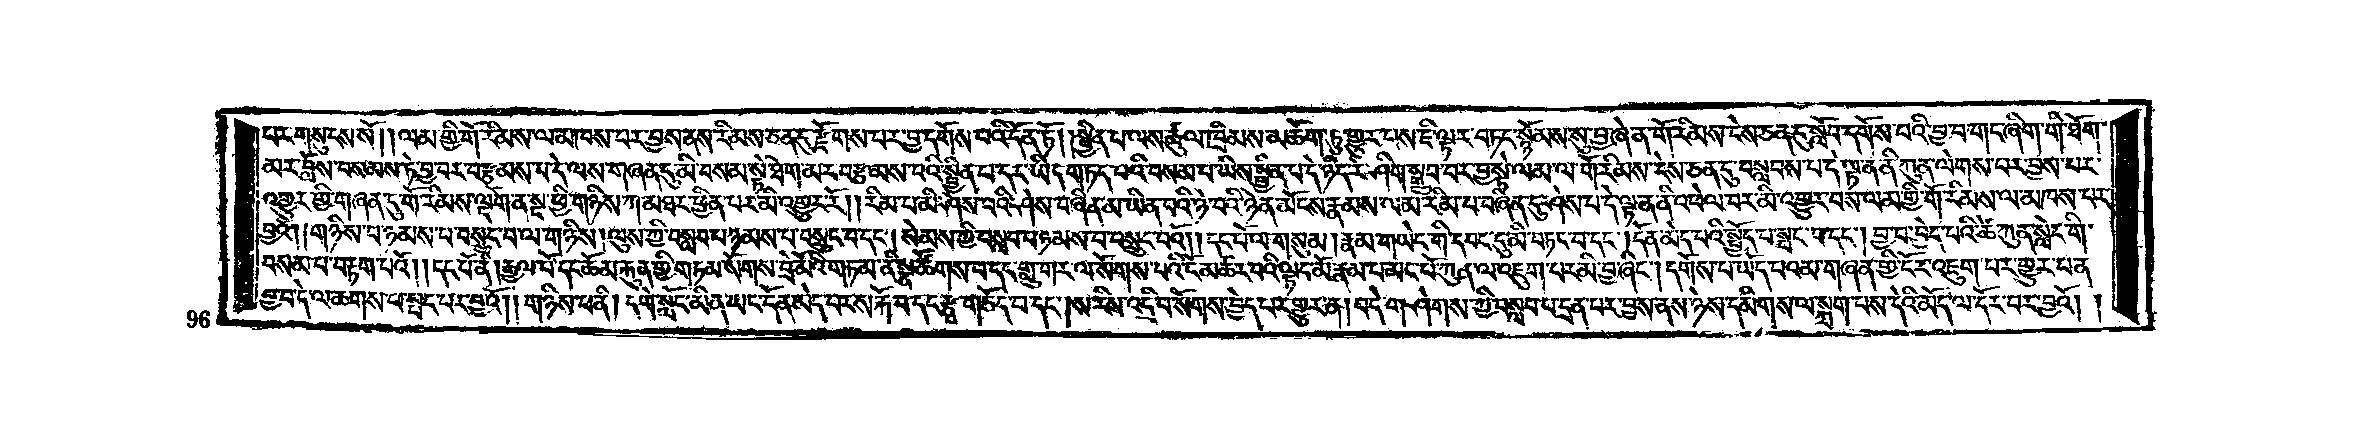པར་གསུངས་སོ། །ལམ་གྱི་གོ་རིམས་ལ་མཁས་པར་བྱས་ནས་རིམས་ཅན་དུ་རྫོགས་པར་བྱ་དགོས་པར་བྱ་དགོས་པའི་དོན་ཏོ། །སྦྱིན་པ་ལས་ཚུལ་ཁྲིམས་མཆོག་ཏུ་གྱུར་པས་ཇི་ལྟར་བཏང་སྙོམས་སུ་བྱ་ཞེ་ན་གོ་རིམས་ངེས་ཅན་དུ་སློབ་དགོས་པའི་བྱ་བ་གང་ཞིག་གི་ཐོག་
མར་བློས་བསམས་ཏེ་བྱ་བར་བརྩམས་པ་དེ་ལས་གཞན་དུ་མི་བསམ་སྟེ་ཐོག་མར་བརྩམས་པའི་སྦྱིན་པ་དང་ཡིད་གཏད་པའི་བསམ་པ་ཡིས་སྦྱིན་པ་དེ་ཉིད་རེ་ཤིག་སྒྲུབ་པར་བྱ་སྟེ་ལམ་ལ་གོ་རིམས་ངེས་ཅན་དུ་བསླབས་པ་དེ་ལྟ་ན་ནི་ཀུན་ལེགས་པར་བྱས་པར་
འགྱུར་གྱི་གཞན་དུ་གོ་རིམས་ལྡོག་ན་སྔ་ཕྱི་གཉིས་ཀ་མཐར་ཕྱིན་པར་མི་འགྱུར་རོ། །རིམ་པ་མི་ཤེས་པའི་ཤེས་བཞིན་མ་ཡིན་པའི་ཉེ་བའི་ཉོན་མོངས་རྣམས་ལམ་རིམ་པ་བཞིན་དུ་ཤེས་པ་དེ་ལྟ་ན་ནི་འཕེལ་བར་མི་འགྱུར་བས་ལམ་གྱི་གོ་རིམས་ལ་མཁས་པར་
བྱའོ༑ ༑གཉིས་པ་ཉམས་པ་བསྲུང་བ་ལ་གཉིས། ལུས་ཀྱི་བསླབ་པ་ཉམས་པ་བསྲུང་བ་དང་། སེམས་ཀྱི་བསླབ་པ་ཉམས་པ་བསྲུང་བའོ། །དང་པོ་ལ་གསུམ། རྣམ་གཡེང་གི་དབང་དུ་མི་བཏང་བ་དང་། དོན་མེད་པའི་སྤྱོད་པ་སྤང་བ་དང་། བྱ་བ་བྱེད་པའི་ཚེ་ཀུན་སླེར་གི་
བསམ་པ་བརྟག་པའོ། །དང་པོ་ནི། རྒྱལ་པོ་དང་ཆོམ་རྐུན་གྱི་གཏམ་སོགས་བྲེ་མོའི་གཏམ་ནི་སྣ་ཚོགས་པ་དང་གླུ་གར་ལ་སོགས་པའི་ངོ་མཚར་བའི་ལྟད་མོ་རྣམ་པ་མང་པོ་ཀུན་ལ་འཇུག་པར་མི་བྱ་ཞིང་། དགོས་པ་ཡོད་པའམ་གཞན་གྱི་ངོར་འཇུག་པར་གྱུར་པ་ན་
བྱ་བ་དེ་ལ་ཆགས་པ་སྤང་བར་བྱའོ། །གཉིས་པ་ནི། དགེ་སློང་མིན་ཡང་དོན་མེད་པར་ས་རྐོ་བ་དང་རྩྭ་གཅོད་པ་དང་། ས་རིས་འདྲི་བ་སོགས་བྱེད་པར་གྱུར་ན། བདེ་གཤེགས་ཀྱི་བསླབ་པ་དྲན་པར་བྱས་ནས་ཉེས་དམིགས་ལ་སྐྲག་པས་དེའི་མོད་ལ་དོར་བར་བྱའོ། །